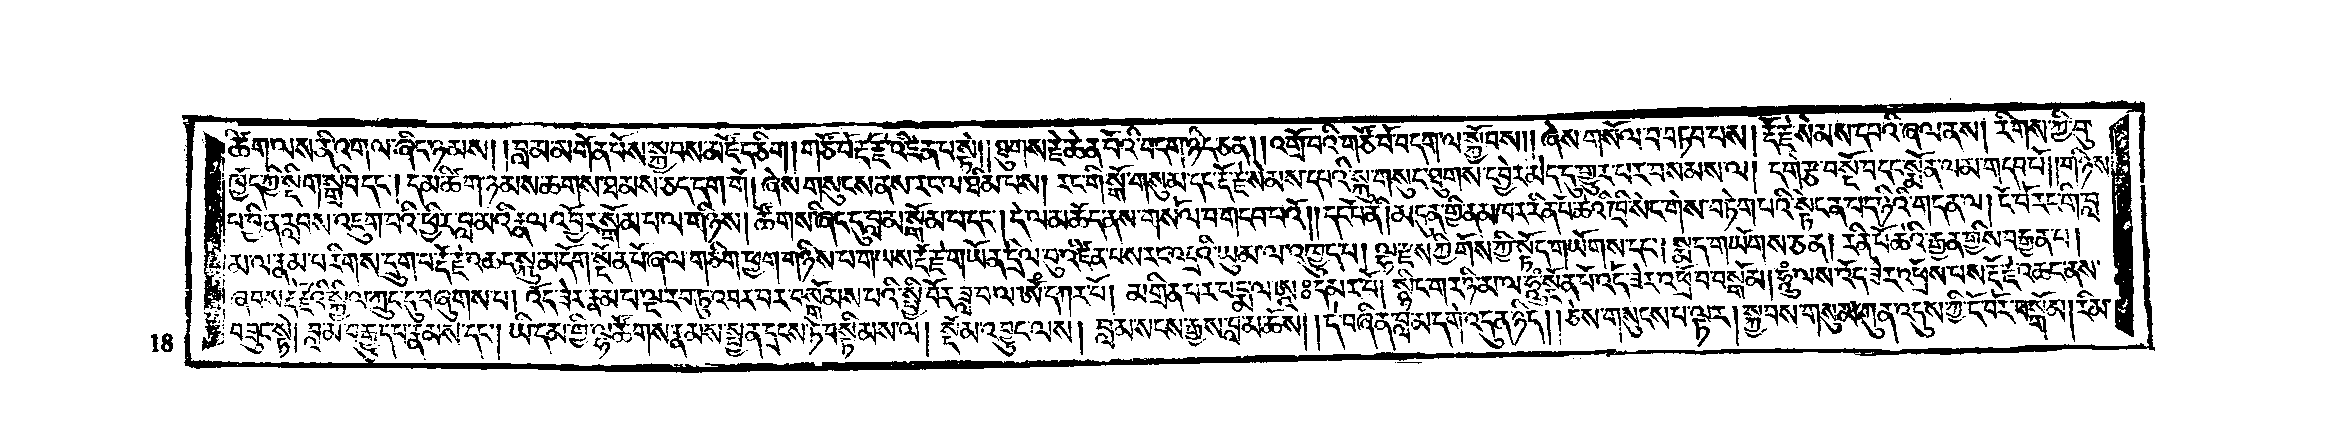ཚིག་ལས་ནི་འགལ་ཞིང་ཉམས། །བླ་མ་མགོན་པོས་སྐྱབས་མཛོད་ཅིག །གཙོ་བོ་རྡོ་རྗེ་འཛིན་པ་སྟེ། །ཐུགས་རྗེ་ཆེན་པོའི་བདག་ཉིད་ཅན། །འགྲོ་བའི་གཙོ་བོ་བདག་ལ་སྐྱོབས། །ཞེས་གསོལ་བ་བཏབ་པས། རྡོ་རྗེ་སེམས་དཔའི་ཞལ་ནས། རིགས་ཀྱི་བུ་
ཁྱོད་ཀྱི་སྡིག་སྒྲིབ་དང་། དམ་ཚིག་ཉམས་ཆགས་ཐམས་ཅད་དག་གོ། ཞེས་གསུངས་ནས་རང་ལ་ཐིམ་པས། རང་གི་སྒོ་གསུམ་དང་རྡོ་རྗེ་སེམས་དཔའི་སྐུ་གསུང་ཐུགས་དབྱེར་མེད་དུ་གྱུར་པར་བསམས་ལ། དགེ་རྩ་བསྔོ་བ་དང་སྨོན་ལམ་གདབ་པོ། །གཉིས་
པ་བྱིན་རླབས་འཇུག་པའི་ཕྱིར་བླ་མའི་རྣལ་འབྱོར་སྒོམ་པ་ལ་གཉིས། ཚོགས་ཞིང་དུ་བླ་མ་སྒོམ་པ་དང་། དེ་ལ་མཆོད་ནས་གསོལ་བ་གདབ་པའོ། །དང་པོ་ནི། མདུན་གྱི་ནམ་མཁར་རིན་པོ་ཆེའི་ཁྲི་སེང་གེས་བཏེག་པའི་སྟེང་ན་པད་ཉིའི་གདན་ལ། ངོ་བོ་རང་གི་བླ་
མ་ལ་རྣམ་པ་རིགས་དྲུག་པ་རྡོ་རྗེ་འཆང་སྐུ་མདོག་སྔོན་པོ་ཞལ་གཅིག་ཕྱག་གཉིས་པ་གཡས་རྡོ་རྗེ་གཡོན་དྲིལ་བུ་འཛིན་པས་རང་འདྲའི་ཡུམ་ལ་འཁྱུད་པ། ལྷ་རྫས་ཀྱི་གོས་ཀྱི་སྟོད་གཡོགས་དང་། སྨད་གཡོགས་ཅན། རིན་པོ་ཆེའི་རྒྱན་གྱིས་བརྒྱན་པ།
ཞབས་རྡོ་རྗེའི་སྐྱིལ་ཀྲུང་དུ་བཞུགས་པ། འོད་ཟེར་རྣམ་པ་ལྔ་རབ་ཏུ་འབར་བར་བསྒོམས་པའི་སྤྱི་བོར་ཟླ་བ་ལ་ཨོཾ་དཀར་པོ། མགྲིན་པར་པདམ་ལ་ཨཱཿ དམར་པོ། སྙིང་གར་ཉི་མ་ལ་ཧཱུཾ་སྔོན་པོ་འོད་ཟེར་འཕྲོ་བ་བསྒོམ། ཧཱུཾ་ལས་འོད་ཟེར་འཕྲོས་པས་རྡོ་རྗེ་འཆང་ནས་
བཟུང་སྟེ། བླ་མ་བརྒྱུད་པ་རྣམས་དང་། ཡི་དམ་གྱི་ལྷ་ཚོགས་རྣམས་སྤྱན་དྲངས་ཏེ་བསྟིམས་ལ། སྡོམ་འབྱུང་ལས། བླ་མ་སངས་རྒྱས་བླ་མ་ཆོས། །དེ་བཞིན་བླ་མ་དགེ་འདུན་ཉིད། །ཅེས་གསུངས་པ་ལྟར། སྐྱབས་གསུམ་ཀུན་འདུས་ཀྱི་ངོ་བོར་བསྒོམ། རིམ་